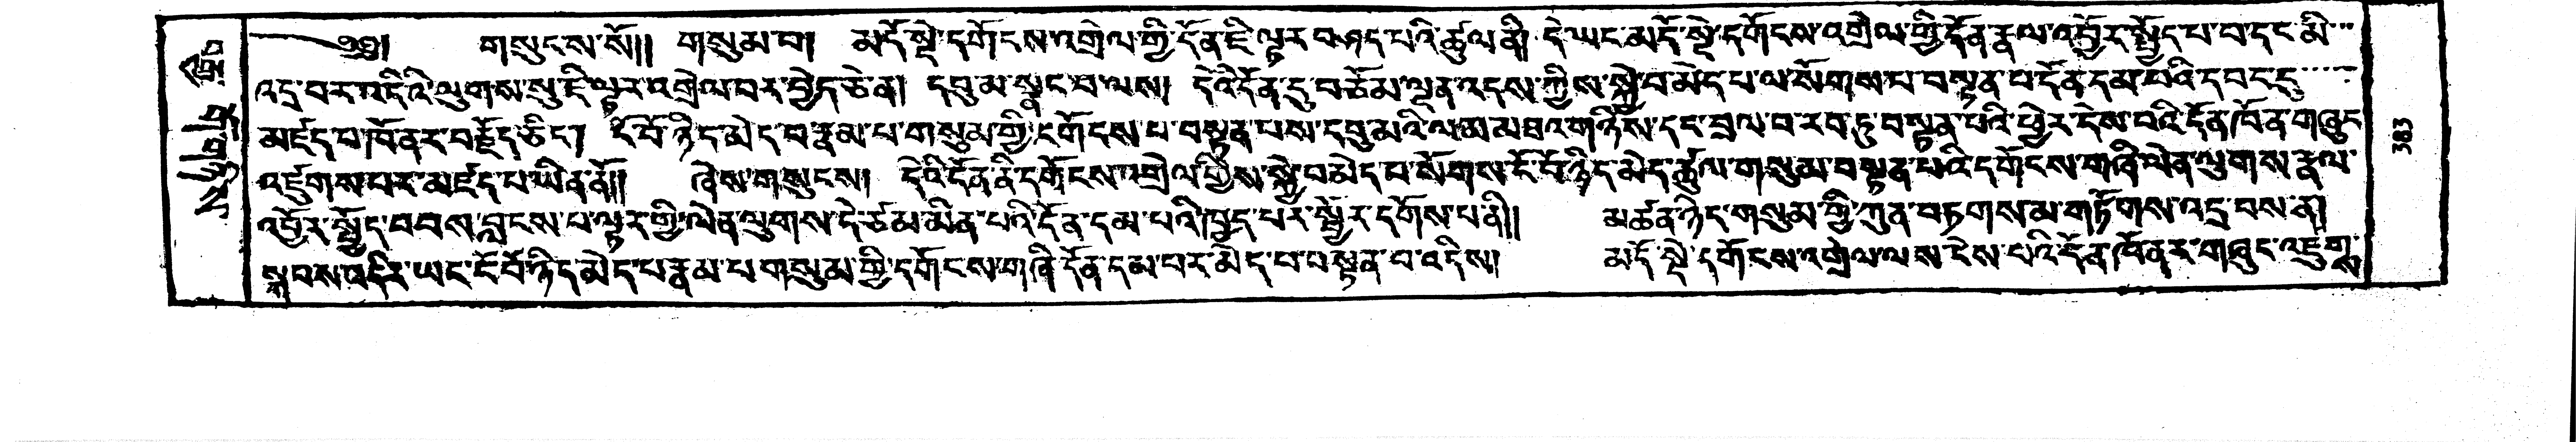༄༅། །གསུངས་སོ། །གསུམ་པ། མདོ་སྡེ་དགོངས་འགྲེལ་གྱི་དོན་ཇི་ལྟར་བཤད་པའི་ཚུལ་ནི། དེ་ཡང་མདོ་སྡེ་དགོངས་འགྲེལ་གྱི་དོན་རྣལ་འབྱོར་སྤྱོད་པ་བ་དང་མི་
འདྲ་བར་འདིའི་ལུགས་སུ་ཇི་ལྟར་འགྲེལ་བར་བྱེད་ཅེ་ན། དབུ་མ་སྣང་བ་ལས། དེའི་དོན་དུ་བཅོམ་ལྡན་འདས་ཀྱིས་སྐྱེ་བ་མེད་པ་ལ་སོགས་པ་བསྟན་པ་དོན་དམ་པའི་དབང་དུ་
མཛད་པ་ཁོ་ནར་བརྗོད་ཅིང་། ངོ་བོ་ཉིད་མེད་པ་རྣམ་པ་གསུམ་གྱི་དགོངས་པ་བསྟན་པས་དབུ་མའི་ལམ་མཐའ་གཉིས་དང་བྲལ་བ་རབ་ཏུ་བསྟན་པའི་ཕྱིར་དེས་པའི་དོན་ཁོ་ན་གཞུང་
འཛུགས་པར་མཛད་པ་ཡིན་ནོ། །ཞེས་གསུངས། དེའི་དོན་ནི་དགོངས་འགྲེལ་གྱིས་སྐྱེ་བ་མེད་པ་སོགས་ངོ་བོ་ཉིད་མེད་ཚུལ་གསུམ་བསྟན་པའི་དགོངས་གཞི་ལེན་ལུགས་རྣལ་
འབྱོར་སྤྱོད་བབས་བླངས་པ་ལྟར་གྱི་ལེན་ལུགས་དེ་ཙམ་མིན་པའི་དོན་དམ་པའི་ཁྱད་པར་སྦྱོར་དགོས་པ་ནི། །མཚན་ཉིད་གསུམ་གྱི་ཀུན་བཏགས་མ་གཏོགས་འདྲ་བས་ན།
སྐབས་འདིར་ཡང་ངོ་བོ་ཉིད་མེད་པ་རྣམ་པ་གསུམ་གྱི་དགོངས་གཞི་དོན་དམ་པར་མེད་པ་བསྟན་པ་འདིས། མདོ་སྡེ་དགོངས་འགྲེལ་ལས་ངེས་པའི་དོན་ཁོ་ནར་གཞུང་འཛུགས་